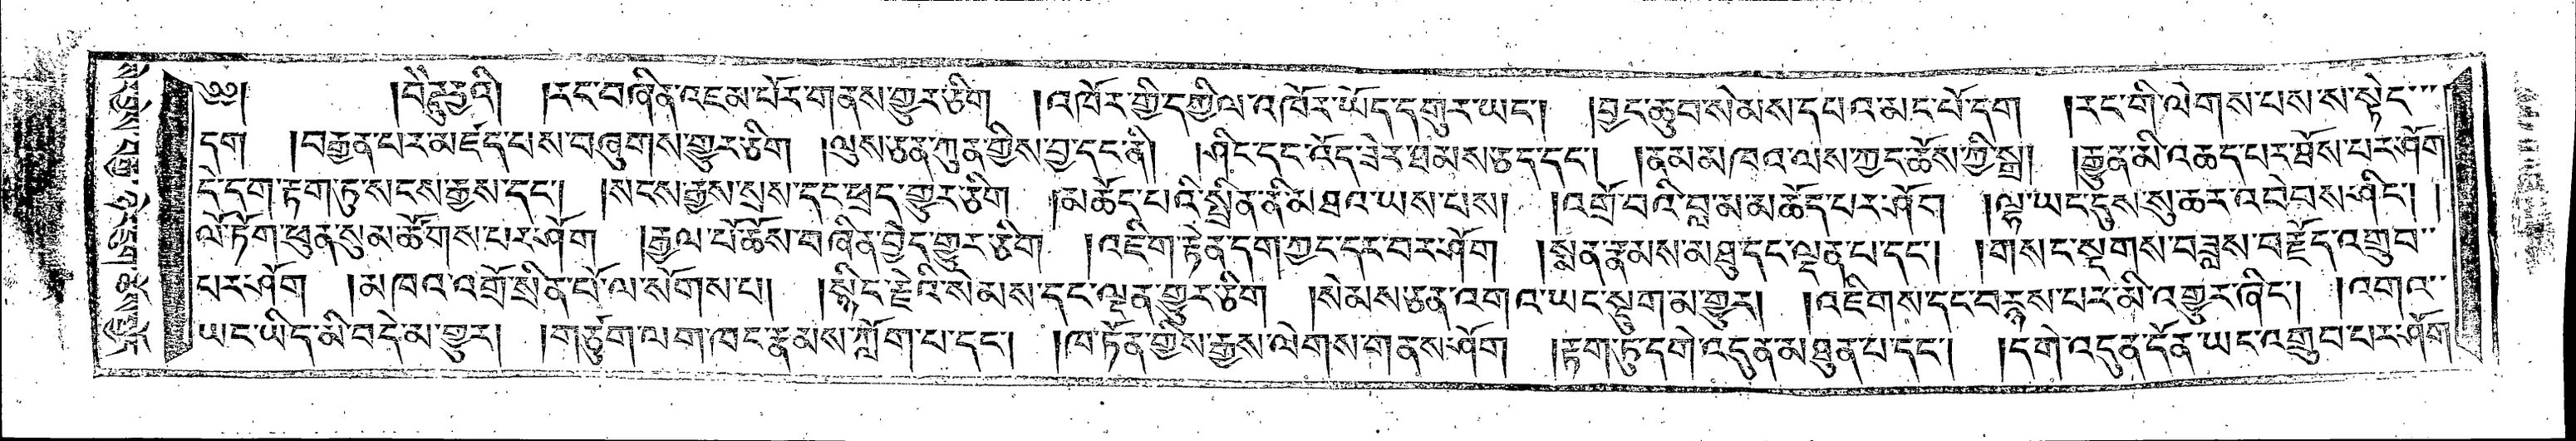༄༅། །བཻཌཱུརྱའི། །རང་བཞིན་འཇམ་པོར་གནས་གྱུར་ཅིག །འཁོར་གྱི་དཀྱིལ་འཁོར་ཡོད་དགུར་ཡང་། །བྱང་ཆུབ་སེམས་དཔའ་མང་པོ་དག །རང་གི་ལེགས་པས་ས་སྟེང་
དག །བརྒྱན་པར་མཛད་པས་བཞུགས་གྱུར་ཅིག །ལུས་ཅན་ཀུན་གྱིས་བྱ་དང་ནི། །ཤིང་དང་འོད་ཟེར་ཐམས་ཅད་དང་། །ནམ་མཁའ་ལས་ཀྱང་ཆོས་ཀྱི་སྒྲ། །རྒྱུན་མི་འཆད་པར་ཐོས་པར་ཤོག་
དེ་དག་རྟག་ཏུ་སངས་རྒྱས་དང་། །སངས་རྒྱས་སྲས་དང་ཕྲད་གྱུར་ཅིག །མཆོད་པའི་སྤྲིན་ནི་མཐའ་ཡས་པས། །འགྲོ་བའི་བླ་མ་མཆོད་པར་ཤོག །ལྷ་ཡང་དུས་སུ་ཆར་འབེབས་ཤིང་། །
ལོ་ཏོག་ཕུན་སུམ་ཚོགས་པར་ཤོག །རྒྱལ་པོ་ཆོས་བཞིན་བྱེད་གྱུར་ཅིག །འཇིག་རྟེན་དག་ཀྱང་དར་བར་ཤོག །སྨན་རྣམས་མཐུ་དང་ལྡན་པ་དང་། །གསང་སྔགས་བཟླས་བརྗོད་འགྲུབ་
པར་ཤོག །མཁའ་འགྲོ་སྲིན་པོ་ལ་སོགས་པ། །སྙིང་རྗེའི་སེམས་དང་ལྡན་གྱུར་ཅིག །སེམས་ཅན་འགའ་ཡང་སྡུག་མ་གྱུར། །འཇིགས་དང་བརྙས་པར་མི་འགྱུར་ཞིང་། །འགའ་
ཡང་ཡིད་མི་བདེ་མ་གྱུར། །གཙུག་ལག་ཁང་རྣམས་ཀློག་པ་དང་། །ཁ་ཏོན་གྱིས་རྒྱས་ལེགས་གནས་ཤོག །རྟག་ཏུ་དགེ་འདུན་མཐུན་པ་དང་། །དགེ་འདུན་དོན་ཡང་འགྲུབ་པར་ཤོག་